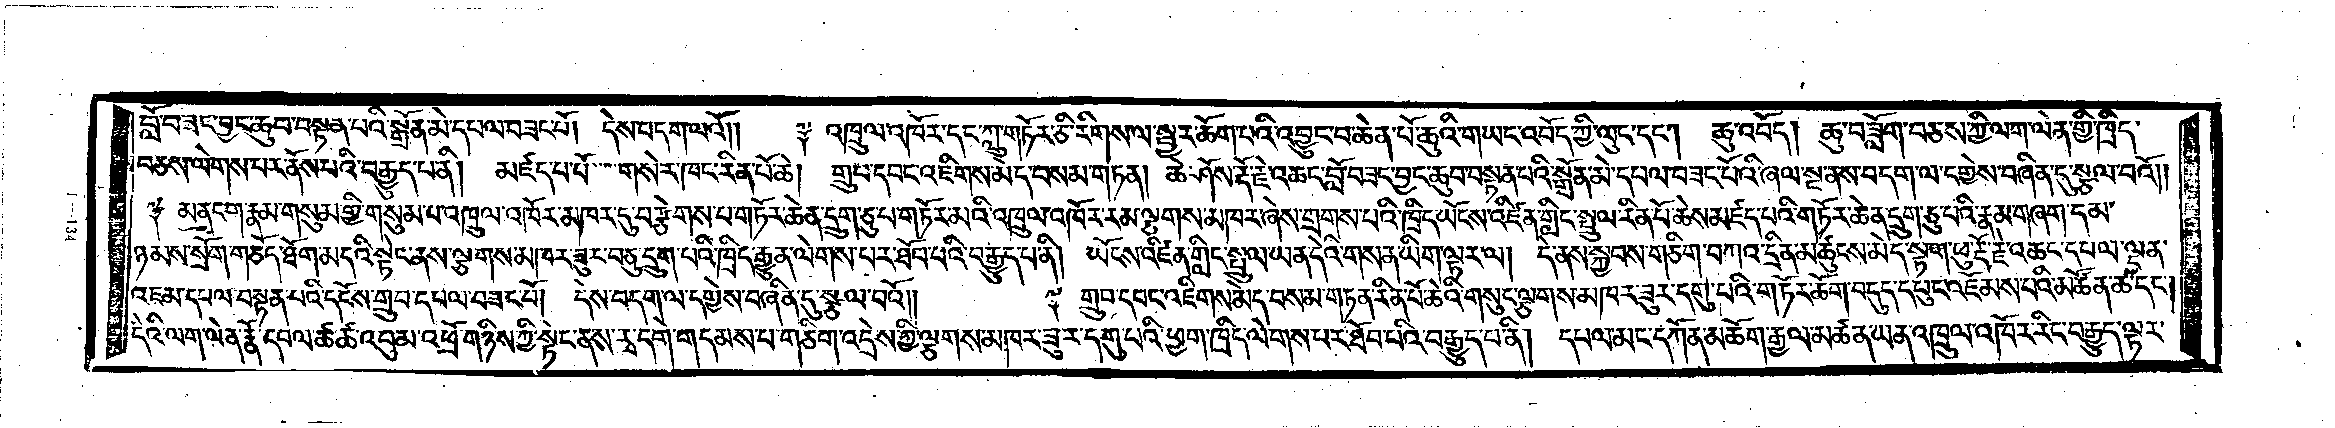བློ་བཟང་བྱང་ཆུབ་བསྟན་པའི་སྒྲོན་མེད་དཔལ་བཟང་པོ། དེས་བདག་ལའོ།། ༈ འཁྲུལ་འཁོར་དང་ཀླུ་གཏོར་ཅི་རིགས་ལ་སྦྱར་ཆོག་པའི་འབྱུང་བ་ཆེན་པོ་ཆུའི་གཡང་འབོད་ཀྱི་ལུང་དང་། ཆུ་འབོད། ཆུ་བཟློག་བཅས་ཀྱི་ལག་ལེན་གྱི་ཁྲིད་
བཅས་ལེགས་པར་ནོས་པའི་བརྒྱུད་པ་ནི། མཛད་པ་པོ་གསེར་ཁང་རིན་པོ་ཆེ། གྲུབ་དབང་འཇིགས་མེད་བསམ་གཏན། ཆེ་ཤོས་རྡོ་རྗེ་འཆང་བློ་བཟང་བྱང་ཆུབ་བསྟན་པའི་སྒྲོན་མེ་དཔལ་བཟང་པོའི་ཞལ་སྔ་ནས་བདག་ལ་དགྱེས་བཞིན་དུ་སྩལ་བའོ།།
༈ མན་ངག་རྣམ་གསུམ་གྱི་གསུམ་པ་འཁྲུལ་འཁོར་མཁར་དུ་བརྩེགས་པ་གཏོར་ཆེན་དྲུག་ཅུ་པ་གཏོར་མའི་འཁྲུལ་འཁོར་རམ་ལྕགས་མཁར་ཞེས་གྲགས་པའི་ཁྲིད་ཡོངས་འཛིན་གླིང་སྤྲུལ་རིན་པོ་ཆེས་མཛད་པའི་གཏོར་ཆེན་དྲུག་ཅུ་པའི་རྣམ་གཞག་དམ་
ཉམས་སྲོག་གཅོད་ཐོག་མདའི་སྟེང་ནས་ལྕགས་མཁར་ཟུང་བཅུ་དྲུག་པའི་ཁྲིད་རྒྱུན་ལེགས་པར་ཐོབ་པའི་བརྒྱུད་པ་ནི། ཡོངས་འཛིན་གླིང་སྤྲུལ་ཡན་དེའི་གསན་ཡིག་ལྟར་ལ། དེ་ནས་སྐྱབས་གཅིག་བཀའ་དྲིན་མཚུངས་མེད་སྟག་ཕུ་རྡོ་རྗེ་འཆང་དཔལ་ལྡན་
འཇམ་དཔལ་བསྟན་པའི་དངོས་གྲུབ་དཔལ་བཟང་པོ། དེས་བདག་ལ་དགྱེས་བཞིན་དུ་སྩལ་པའོ།། ༈ གྲུབ་དབང་འཇིགས་མེད་བསམ་གཏན་རིན་པོ་ཆེའི་གསུང་ལྕགས་མཁར་ཟུར་དགུ་པའི་གཏོར་ཆོག་བདུད་དཔུང་འཇོམས་པའི་མཚོན་ཚེ་དང་།
དེའི་ལག་ལེན་རྣོ་དཔལ་ཚ་ཚ་འབུམ་འཕྲོ་གཉིས་ཀྱི་སྟེང་ནས་རྭ་དགེ་གདམས་པ་གཅིག་འདྲེས་ཀྱི་ལྕགས་མཁར་ཟུར་དགུ་པའི་ཕྱག་ཁྲིད་ལེགས་པར་ཐོབ་པའི་བརྒྱུད་པ་ནི། དཔལ་མང་དཀོན་མཆོག་རྒྱལ་མཚན་ཡང་འཁྲུལ་འཁོར་རིང་བརྒྱུད་ལྟར་